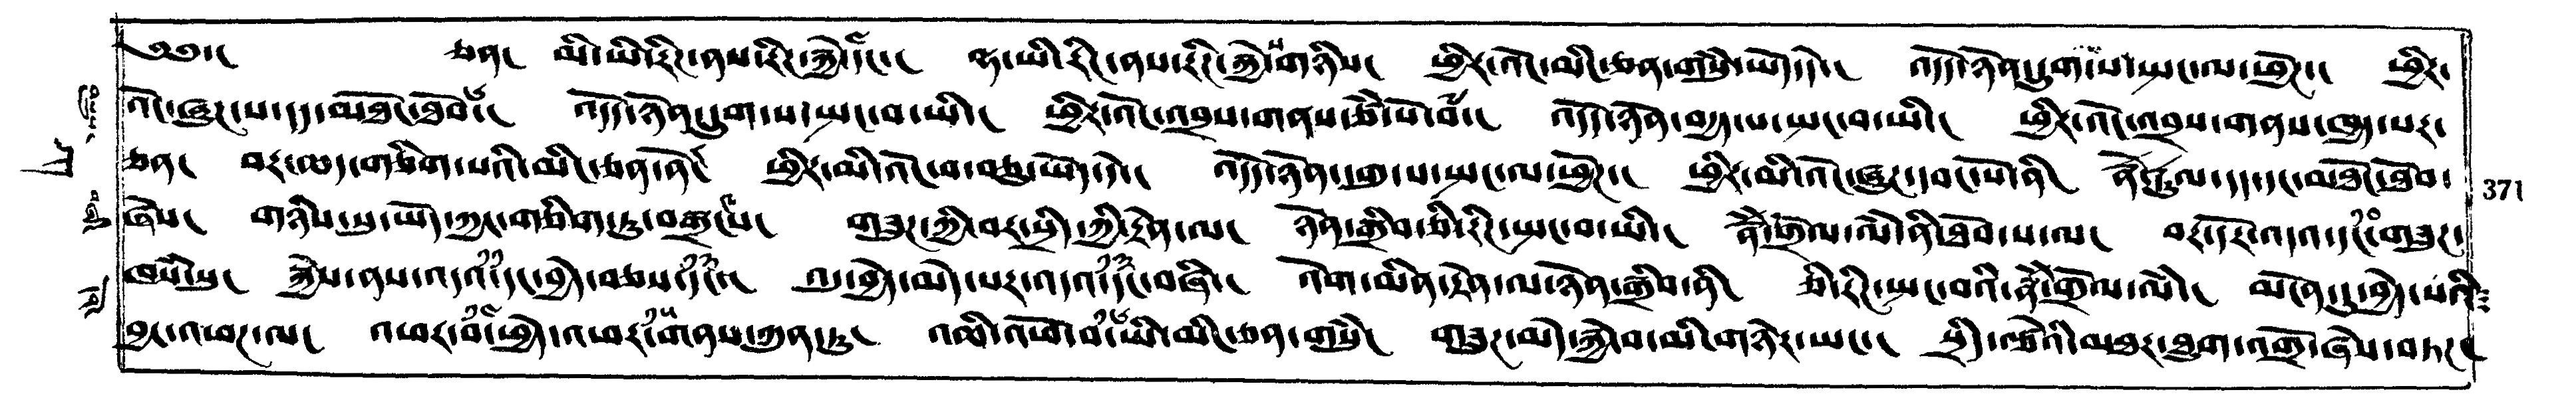ཅན། །མི་ཡི་རིགས་ནས་རིགས་སྐྱེ་དང་། །ལྷ་ཡི་རིགས་ནས་རིགས་སྐྱེ་གཉིས། །ཕྱིར་འོང་མིང་ཅན་གསུམ་ཡོད་དེ། །འདོད་ཉོན་དྲུག་པ་སྤང་ལ་ཕྱོགས། །ཕྱིར་
འོང་ཞུགས་པ་དད་མཐོང་ཐོབ། །འདོད་ཉོན་དྲུག་པ་སྤང་བ་ཡི། །ཕྱིར་འོང་འབྲས་གནས་ཙམ་པོ་བ། །འདོད་ཉོན་བརྒྱད་པ་སྤང་བ་ཡི། །ཕྱིར་འོང་འབྲས་གནས་ཁྱད་པར་
ཅན། །བར་ཆད་གཅིག་པའི་མིང་ཅན་ནོ། །ཕྱིར་མི་འོང་བ་བཅུ་ཡོད་དེ། །འདོད་ཉོན་དགུ་པ་སྤང་ལ་ཕྱོགས། །ཕྱིར་མི་འོང་ཞུགས་དབང་པོ་ནི། །རྣོ་རྟུལ་དད་དང་མཐོང་ཐོབ་
ཅེས། །གཉིས་སུ་ཡོད་ཀྱང་གཅིག་ཏུ་བསྒྲངས། །གཟུགས་ཀྱི་བར་སྲིད་ཀྱི་རྟེན་ལ། །ཉོན་སྒྲིབ་ཅི་རིགས་སྤངས་བ་ཡི། །རྣམ་གྲོལ་ལམ་ནི་ཐོབ་པ་ལ། །བར་དོར་འདའ་དང་གཟུགས་
ཁམས་སུ། །སྐྱེས་ནས་འདའ་དང་བྱེད་བཅས་དང་། །འདུ་བྱེད་མེད་པར་འདའ་དང་བཞི། །འོག་མིན་རྟེན་ལ་ཉོན་སྒྲིབ་ནི། །ཅི་རིགས་སྤངས་བའི་རྣམ་གྲོལ་ལམ། །མངོན་དུ་བྱེད་པའི་
བྱང་འཕགས་ལ། །འཕར་བ་ཕྱེད་འཕར་གནས་ཀུན་ཏུ། །འཆི་འཕོ་བ་ཡི་མིང་ཅན་གསུམ། །གཟུགས་མེད་སྐྱེ་བ་མི་གཉེར་ཡང་། །སྲིད་རྩེའི་མཐར་ཐུག་འགྲོ་ཞེས་བཏགས། །